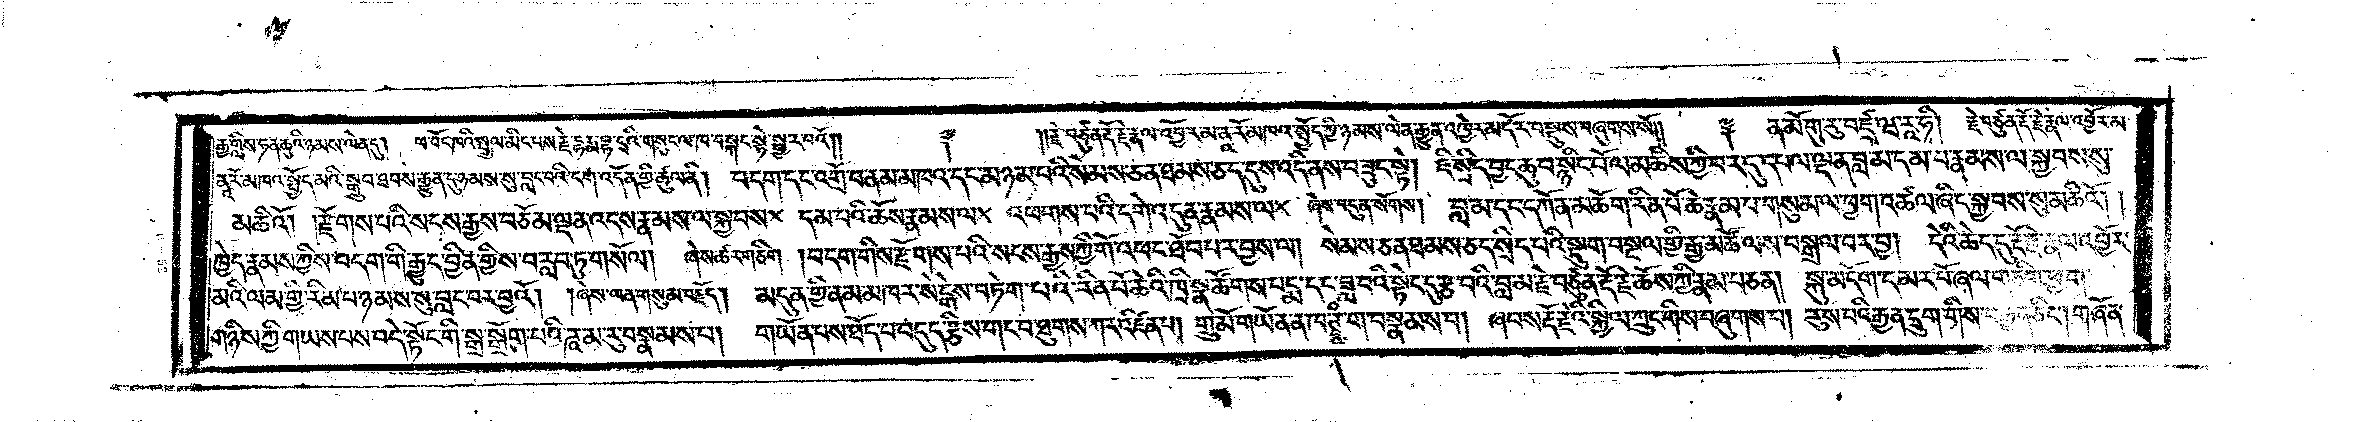གླིས་ཧན་ཆུའི་ཉམས་ལེན་དུ། ཕ་བོང་ཁའི་སྤྲུལ་མིང་པས་རྗེ་དྷརྨ་བྷ་དྲའི་གསུང་ལ་ཁ་བསྐང་སྟེ་སྦྱར་བའོ།། ༈ །།རྗེ་བཙུན་རྡོ་རྗེ་རྣལ་འབྱོར་མ་ནཱ་རོ་མཁའ་སྤྱོད་ཀྱི་ཉམས་ལེན་རྒྱུན་འཁྱེར་མདོར་བསྡུས་བཞུགས་སོ།། ༈ ན་མོ་གུ་རུ་བཛྲ་ཝ་རཱ་ཧི། རྗེ་བཙུན་རྡོ་རྗེ་རྣལ་འགྱོར་མ་
རོ་མཁའ་སྤྱོད་མའི་སྒྲུབ་ཐབས་རྒྱུན་དུ་ཉམས་སུ་བླང་བའི་ངག་འདོན་གྱི་ཚུལ་ནི། བདག་དང་འགྲོ་བ་ནམ་མཁའ་དང་མཉམ་པའི་སེམས་ཅན་ཐམས་ཅད་དུས་འདི་ནས་བཟུང་སྟེ། ཇི་སྲིད་བྱང་ཆུབ་སྙིང་པོ་ལ་མཆིས་ཀྱི་བར་དུ་དཔལ་ལྡན་བླ་མ་དམ་པ་རྣམས་ལ་སྐྱབས་སུ་
མཆིའོ། །རྫོགས་པའི་སངས་རྒྱས་བཅོམ་ལྡན་འདས་རྣམས་ལ་སྐྱབས་྾་དམ་པའི་ཆོས་རྣམས་ལ་྾་འཕགས་པའི་དགེ་འདུན་རྣམས་ལ་྾་ཞེས་བདུན་སོགས།  བླ་མ་དང་དཀོན་མཆོག་རིན་པོ་ཆེ་རྣམ་པ་གསུམ་ལ་ཕྱག་འཚལ་ཞིང་སྐྱབས་སུ་མཆིའོ།
ཁྱེད་རྣམས་ཀྱིས་བདག་གི་རྒྱུད་བྱིན་གྱིས་བརླབ་ཏུ་གསོལ། ཞེས་ཚར་གཅིག་།བདག་གིས་རྫོགས་པའི་སངས་རྒྱས་ཀྱི་གོ་འཕང་ཐོབ་པར་བྱས་ལ། སེམས་ཅན་ཐམས་ཅད་སྲིང་བའི་སྡུག་བསྔལ་གྱི་རྒྱ་མཚོ་ལས་བསྒྲལ་བར་བྱ། དེའི་ཆེད་དུ་རྡོ་རྗེ་རྣལ་འབྱོར་
མའི་ལམ་གྱི་རིམ་པ་ཉམས་སུ་བླང་བར་བྱའོ། །ཞེས་ལན་གསུམ་བརྗོད།  མདུན་གྱི་ནམ་མཁར་སེངྒེས་བཏེག་པའི་རིན་པོ་ཆེའི་ཁྲི་སྣ་ཚོགས་པདམ་དང་ཟླ་བའི་སྟེང་དུ་རྩ་བའི་བླ་མ་རྗེ་བཙུན་རྡོ་རྗེ་ཆོས་ཀྱི་རྣམ་བ་ཅན། སྐུ་མདོག་དམར་པོ་ཞལ་གཅིག་ཕྱག་
གཉིས་ཀྱི་གཡས་པས་བདེ་སྟོང་གི་སྒྲ་སྒྲོག་པའི་ཌཱ་མ་རུ་བསྣམས་པ། གཡོན་པས་ཐོད་པ་བདུད་རྩིས་གང་བ་ཐུགས་ཀར་འཛིན་པ། གྲུ་མོ་གཡོན་ན་ཁ་ཊྭཱཾ་ག་བསྣམས་པ། ཞབས་རྡོ་རྗེའི་སྐྱིལ་ཀྲུང་གིས་བཞུགས་པ། རུས་པའི་རྒྱན་དྲུག་གིས་བརྒྱན་ཅིང་། གཞོན་